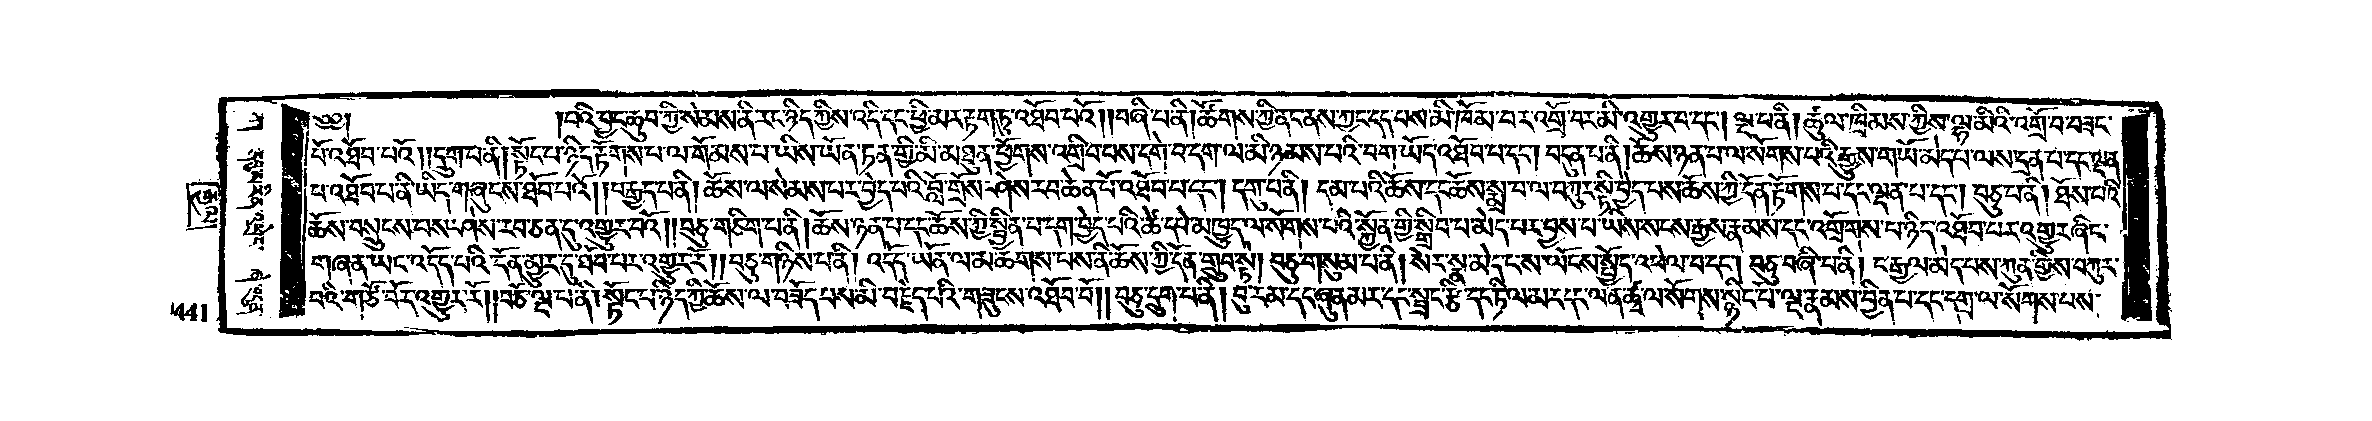༄༅། །པའི་བྱང་ཆུབ་ཀྱི་སེམས་ནི་རང་ཉིད་ཀྱིས་འདི་དང་ཕྱི་མར་རྟག་ཏུ་འཐོབ་པའོ། །བཞི་པ་ནི། ཚོགས་ཀྱི་ནང་ནས་ཀྱང་དད་པས་མི་ཁོམ་པར་འགྲོ་བར་མི་འགྱུར་བ་དང་། ལྔ་པ་ནི། ཚུལ་ཁྲིམས་ཀྱིས་ལྷ་མིའི་འགྲོ་བ་བཟང་
པོ་འཐོབ་པའོ། །དྲུག་པ་ནི། སྟོང་པ་ཉིད་རྟོགས་པ་ལ་གོམས་པ་ཡིས་ཡོན་ཏན་གྱི་མི་མཐུན་ཕྱོགས་འགྲིབ་པས་དགེ་བ་དག་ལ་མི་ཉམས་པའི་བག་ཡོད་འཐོབ་པ་དང་། བདུན་པ་ནི། ཆོས་ཉན་པ་ལ་སོགས་པའི་རྒྱུས་གཡོ་མེད་པ་ལས་དྲན་པ་དང་ལྡན་
པ་འཐོབ་པ་ནི་ཡིད་གཞུངས་ཐོབ་པའོ། །བརྒྱད་པ་ནི། ཆོས་ལ་སེམས་པར་བྱེད་པའི་བློ་གྲོས་ཤེས་རབ་ཆེན་པོ་འཐོབ་པ་དང་། དགུ་པ་ནི། དམ་པའི་ཆོས་དང་ཆོས་སྨྲ་བ་ལ་བཀུར་སྟི་བྱེད་པས་ཆོས་ཀྱི་དོན་རྟོགས་པ་དང་ལྡན་པ་དང་། བཅུ་པ་ནི། ཐོས་པའི་
ཆོས་བསྲུངས་པས་ཤེས་རབ་ཅན་དུ་འགྱུར་བའོ། །བཅུ་གཅིག་པ་ནི། ཆོས་ཉན་པ་དང་ཆོས་ཀྱི་སྦྱིན་པ་དག་བྱེད་པའི་ཚེ་དཔེ་མཁྱུད་ལ་སོགས་པའི་སྐྱོན་གྱི་སྒྲིབ་པ་མེད་པར་བྱས་པ་ཡིས་སངས་རྒྱས་རྣམས་དང་འགྲོགས་པ་ཉིད་འཐོབ་པར་འགྱུར་ཞིང་
གཞན་ཡང་འདོད་པའི་དོན་མྱུར་དུ་ཐོབ་པར་འགྱུར་རོ། །བཅུ་གཉིས་པ་ནི། འདོད་ཡོན་ལ་མ་ཆགས་པས་ནི་ཆོས་ཀྱི་དོན་གྲུབ་སྟེ། བཅུ་གསུམ་པ་ནི། སེར་སྣ་མེད་པས་ལོངས་སྤྱོད་འཕེལ་བ་དང་། བཅུ་བཞི་པ་ནི། ང་རྒྱལ་མེད་པས་ཀུན་གྱིས་བཀུར་
བའི་གཙོ་བོར་འགྱུར་རོ། །བཅོ་ལྔ་པ་ནི། སྟོང་པ་ཉིད་ཀྱི་ཆོས་ལ་བཟོད་པས་མི་བརྗེད་པའི་གཟུངས་འཐོབ་བོ། །བཅུ་དྲུག་པ་ནི། བུ་རམ་དང་ཞུན་མར་དང་སྦྲང་རྩི་དང་ཏིལ་མར་དང་ལན་ཚྭ་ལ་སོགས་སྙིང་པོ་ལྔ་རྣམས་བྱིན་པ་དང་དགྲ་ལ་སོགས་པས་